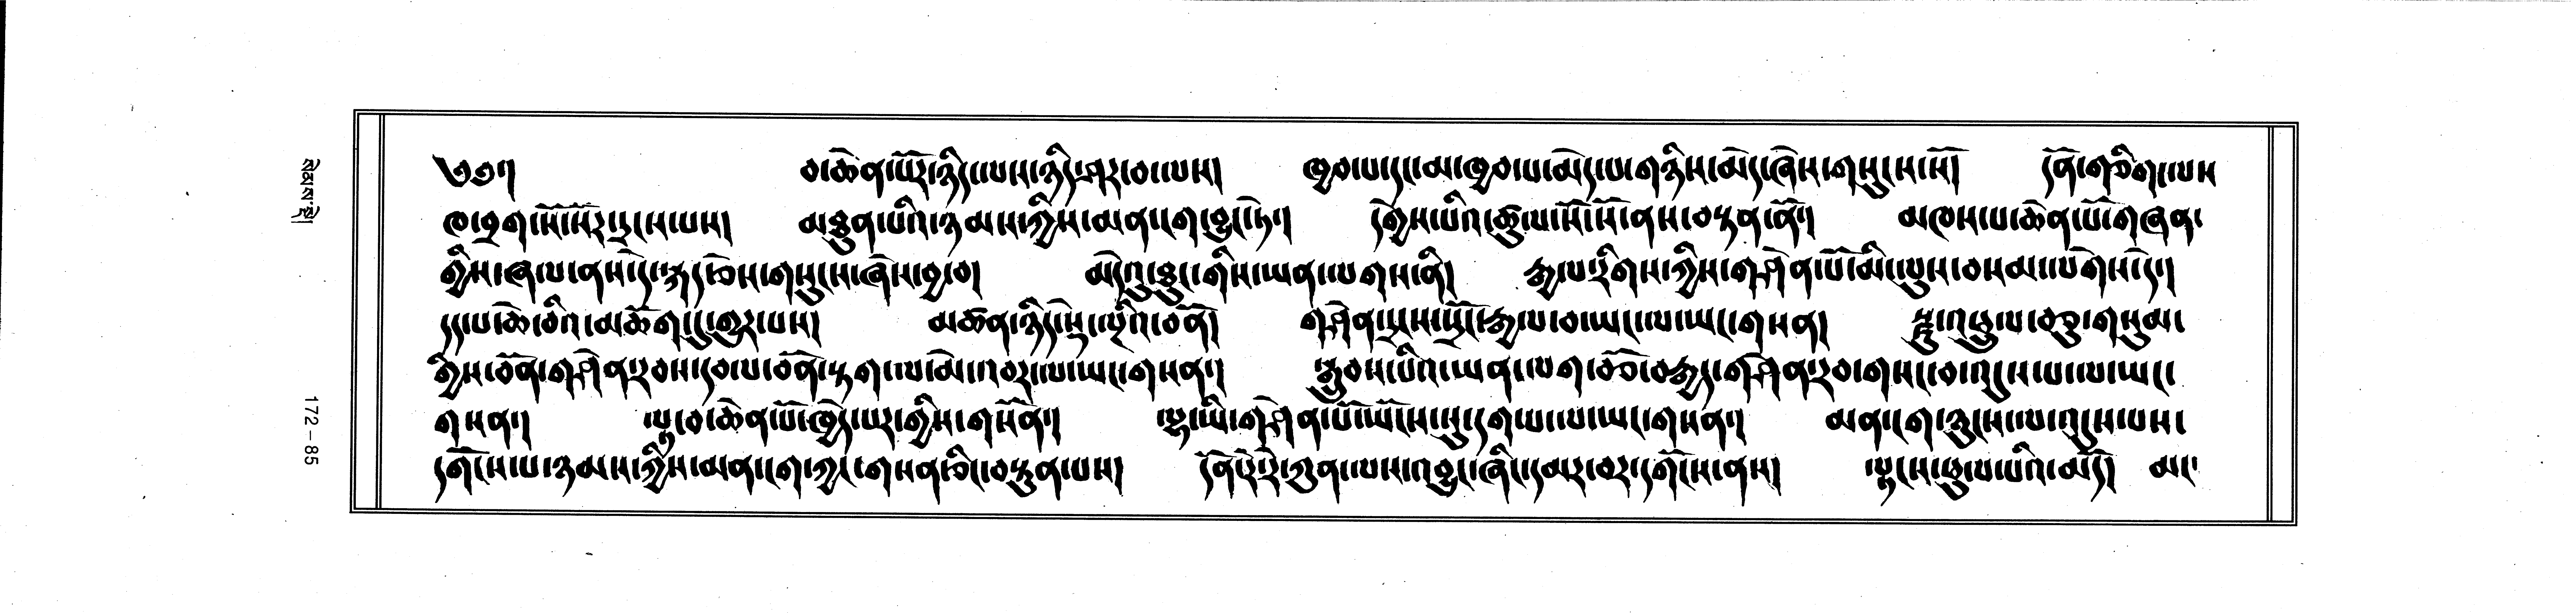བ་ཆེན་པོར་ཉིད་ལས་ཉིད་ཤར་བ་ལས། ཁྱབ་པ་དང་མ་ཁྱབ་པ་མེད་པ་གཉིས་མེད་ཞེས་གསུངས་སྭོ། དོན་གཅིག་ལས་
ཁ་བྲག་སོ་སོར་དྲངས་པས། མཐུན་པའི་ཉམས་ཀྱིས་མན་ངག་བྱུང་ཏེ། དགྱེས་པའི་ཚུལ་སོ་སོ་ནས་བསྟན་ནོ། མཁས་པ་ཆེན་པོ་གཞན་
གྱིས་ཞལ་ནས་དེ་སྐད་ཅེས་གསུངས་ཞེས་བྱ་བ། མདེའུ་ཐུང་གིས་ཡན་ལག་ནི། རྒྱལ་རིགས་ཀྱིས་གཤེན་པོ་མི་ལུས་བསམ་ལེགས་དེ། 
དད་པ་ཆེ་བའི་མཆོག་དུ་གྱུར་པས། མཚན་ཉིད་སྡེ་ལྔའི་བོན། གཤེན་དྲངས་སྲོང་རྒྱལ་བ་ཡང་ལ་ཡང་གསན། རྫུ་འཕྲུལ་བཅུ་གསུམ་
གྱི་བོན་གཤེན་རབ་དབལ་བོན་སྟག་ལ་མེ་འབར་ལ་ཡང་གསན། སྒྲུབས་པའི་ཡན་ལག་བཅོ་བརྒྱད་གཤེན་རབ་གསང་བ་འདུས་པ་ལ་ཡང་
གསན། ལྟ་བ་ཆེན་པོ་ཁྱེར་པར་གྱིས་གསན། ལྷ་ཡི་གཤེན་པོ་ཡོངས་སུ་དག་པ་ལ་ཡང་གསན། མན་ངག་ཉུངས་ལ་འདུས་པས་
དགོངས་པ་ཉམས་ཀྱིས་མན་ངག་ཀྱང་གསན་ཅིང་བསྟུན་པས། དོན་རེ་རེ་ཀུན་ལས་འབྱུང་ཞིང་དམར་བར་དགོངས་ནས། ལྟངས་ཕུལ་པའི་མདོ། མང་